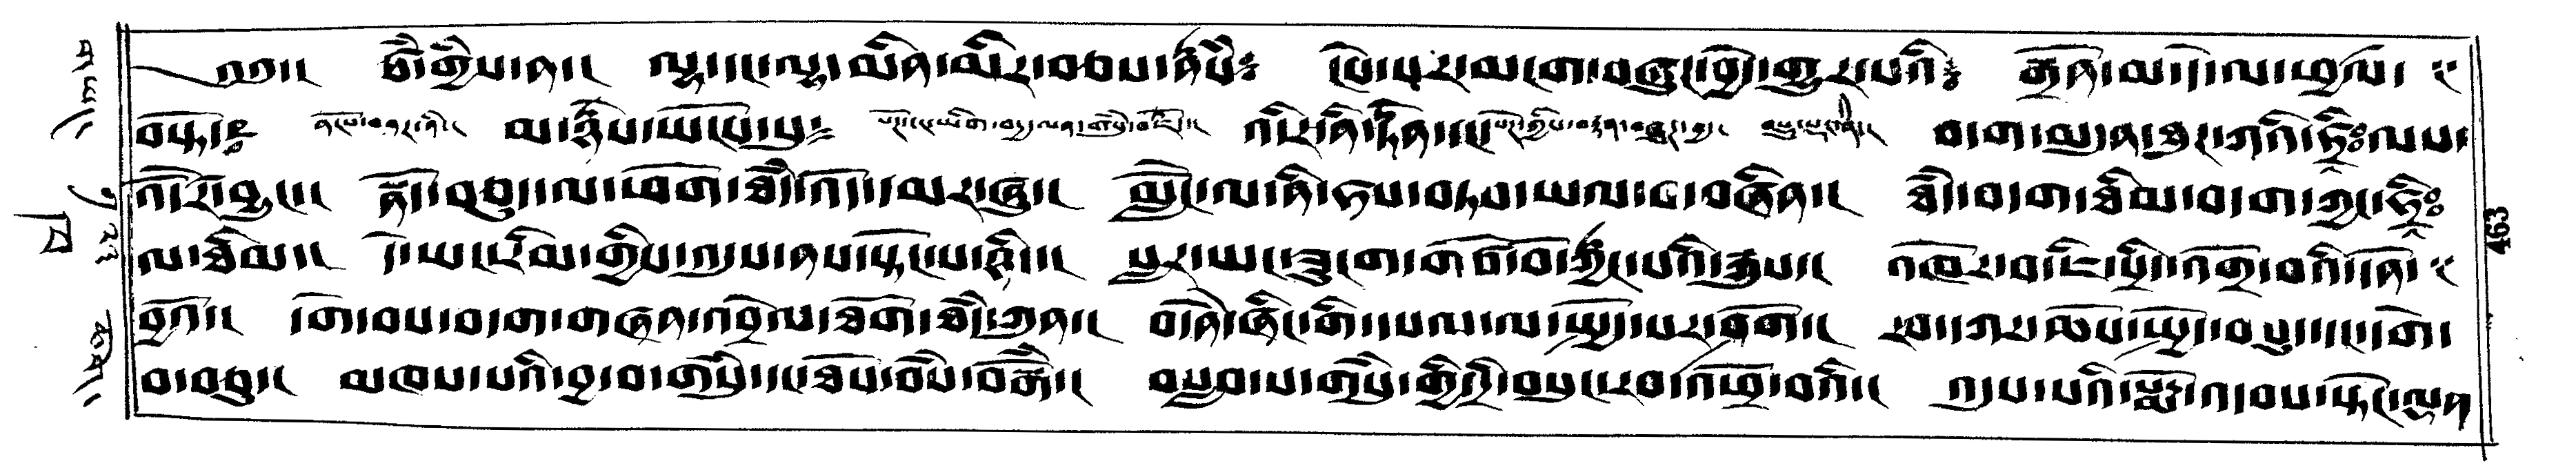ཙམ་གྱིས་ན༔ ལྷ་དང་ལྷ་མིན་མིར་བཅས་རྣམས༔ ངེས་པར་མངག་ཞུགས་བྱེད་གྱུར་པའི༔ །སྒྲོན་མ་དེ་ལ་ཕྱག་འཚལ་
བསྟོད། ། ནོངས་བཤགས་ནི། མ་རྙེས་ཡོངས་སུ༴ སོགས་དང་ཡིག་བརྒྱ་ལན་གསུམ་བརྗོད། །འདིར་ནི་རྟེན་དང་སོགས་ཀྱིས་བརྟན་བཞུགས་བྱ། །བསྡུ་ལྡང་ནི། བདག་མདུན་ཐུགས་ཀའི་ཧྲཱིཿལས་
འོད་ཟེར་བྱུང་། །སྣོད་བཅུད་ལ་ཕོག་ཐམས་ཅད་འོད་དམར་ཞུ། །མེ་ལོང་ལ་ནི་ཧས་བཏབ་ཡལ་བ་བཞིན། །ཐམས་ཅད་བདག་ཐིམ་བདག་ཀྱང་ཧྲཱིཿ
ལ་ཐིམ། །དེ་ཡང་རིམ་གྱིས་འདུས་ནས་སྟོང་པ་ཉིད། །སླར་ཡང་ཟུང་འཇུག་གཙོ་བོ་རྐྱང་པའི་སྐུས། །འཁོར་བ་ཇི་སྲིད་འགྲོ་བའི་དོན་
བྱའོ། །དགེ་བས་བདག་གཞན་འབྲེལ་ཐོག་ཐམས་ཅད་ཀུན། །བདེ་ཆེན་ཞིང་གི་དཔལ་ལ་སྤྱོད་པར་ཤོག །རབ་དཀར་ཆོས་སྤྱོད་བཅུ་དང་དགེ་
བ་བཅུ། །མཁས་པའི་བྱ་བ་གསུམ་དང་ཐོས་བསམ་སྒོམ། །བསླབ་པ་གསུམ་གྱི་དྲི་བསུང་རབ་འཕྲོ་བའི། །འདུས་པའི་པདྨོ་འདབ་སྟོང་ལྡན་